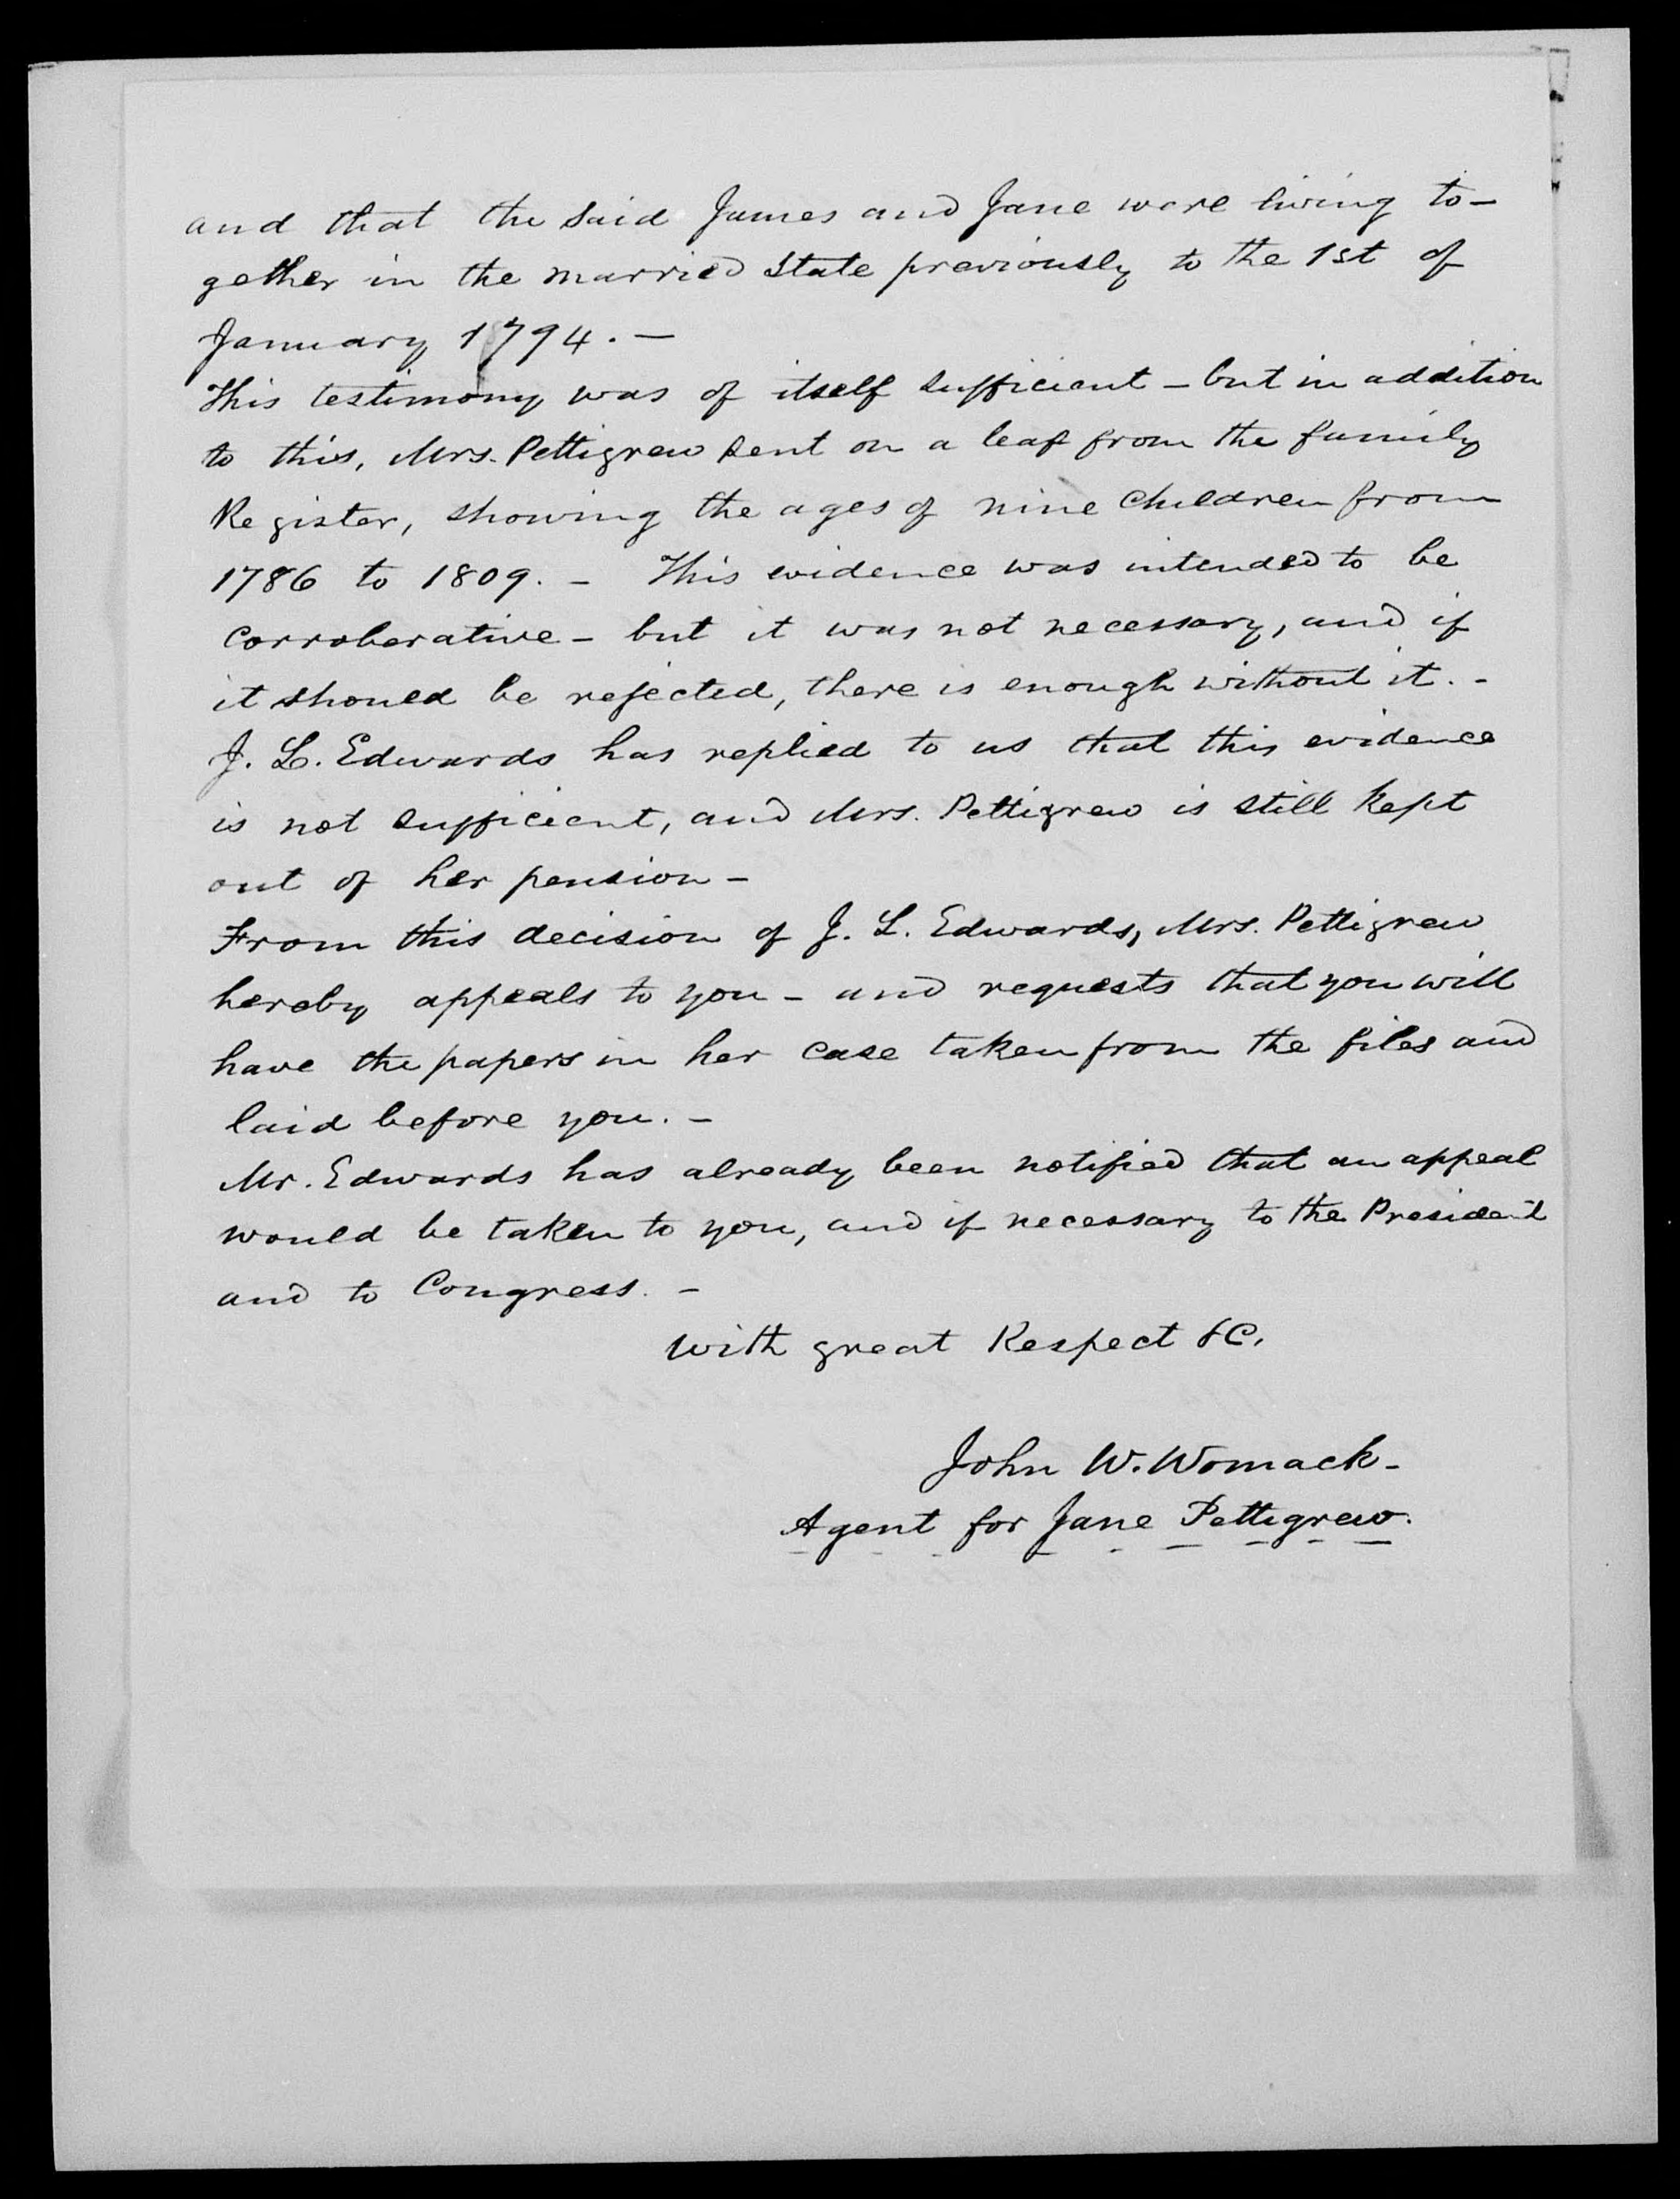and that the said James and Jane were living together in the married state previous to the 1st of January 1774.-
This testimony was itself significant-but in addition to this, Mrs. Pettigrew sent on a leaf from the family Register, showing the ages of nine children from 1786 to 1809.-This evidence was intended to be corroborative-but it was not necessary, and if it should be rejected, there is enough without it.-J. L. Edwards had replied to us that this evidence is not sufficient, and Mrs. Pettigrew is still kept out of her pension.-
From this decision of J. L. Edwards, Mrs. Pettigrew hereby appears to you-and requests that you will have the papers in her case taken from the files and said before you.-
Mr. Edwards had already been notified that an appeal would be taken to you, and if necessary to the President and to Congress.-
With Great Respect JC.
John W. Womack-
Agent for Jane Pettigrew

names: [BLANK] Pettigrew; John W Womack; J L Edwards; James [BLANK]; Jane [BLANK]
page: 51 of 92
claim: widow's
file: W. 5522, for James Pettigrew, South Carolina